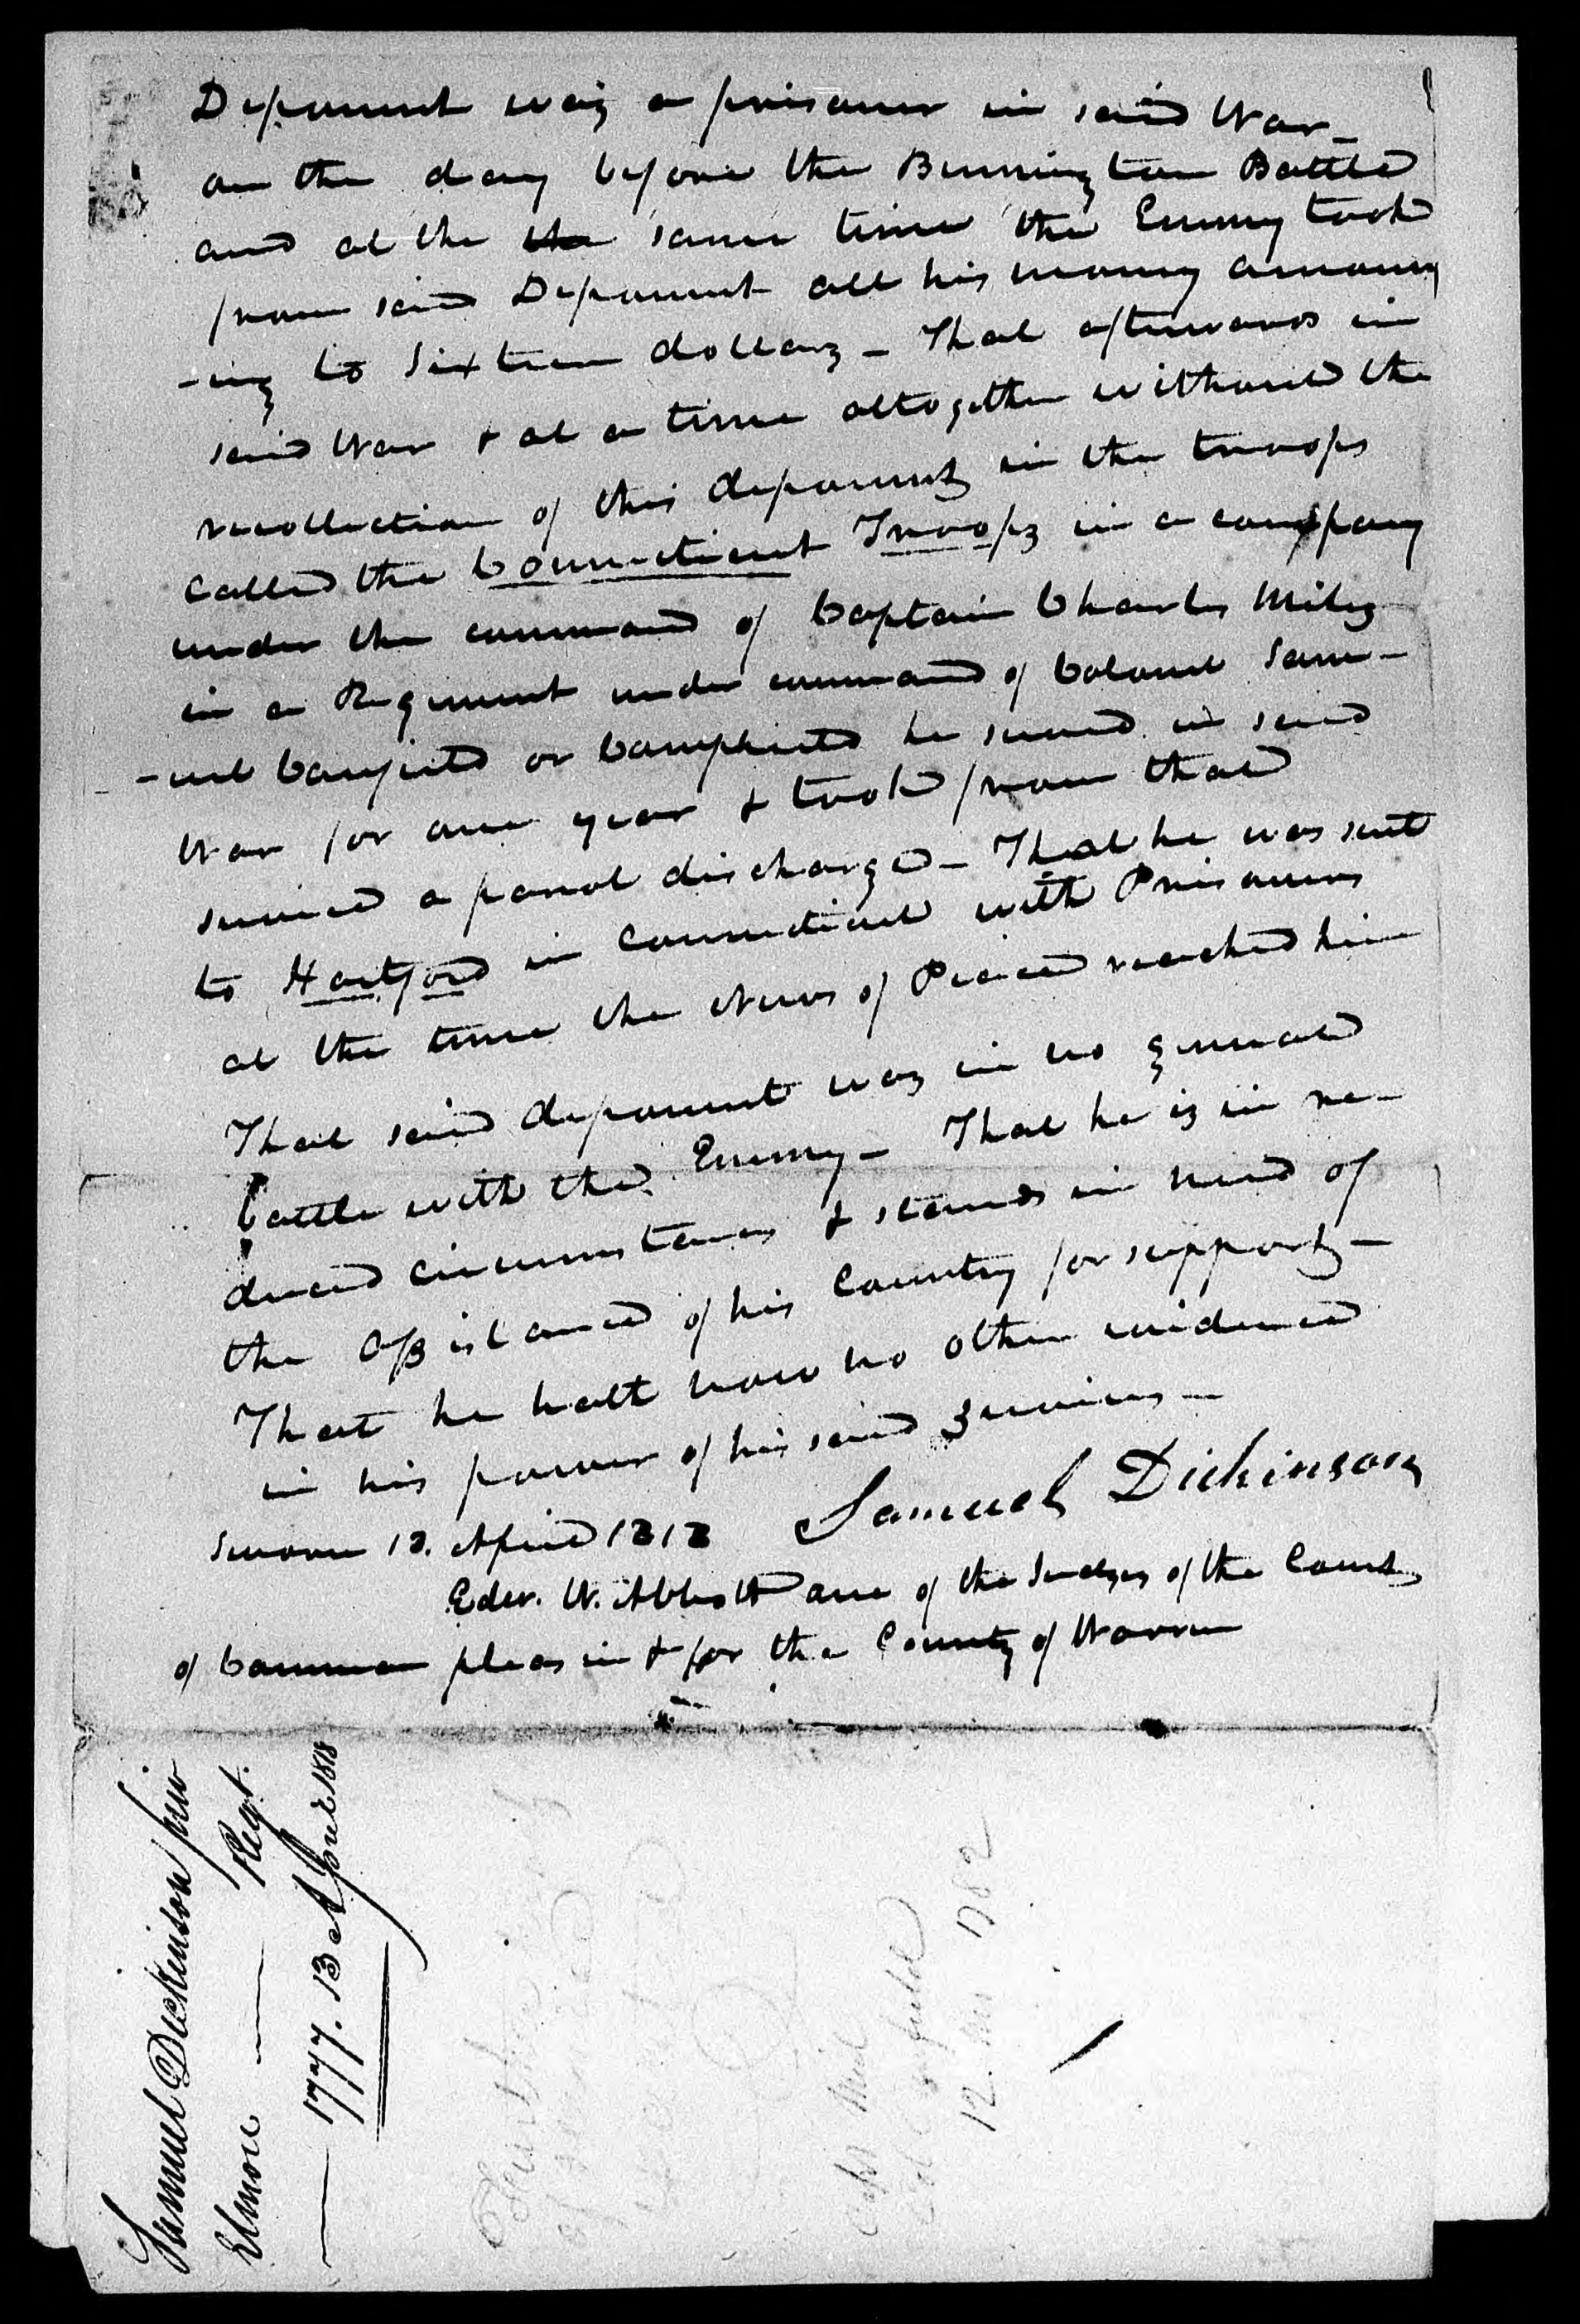Deponent was a prisoner in said war- on the day before the Bennington Battle and at the [ the crossed out] same time the enemy  took said Deponent all his money amounting to sixteen dollars-that afterwards in said war and at a time altogether without the recollection of this Deponent, in the troops called the Commitment Troops in a company under the command of Captain Charles [illegible] in a Regiment under command of Colonel Samuel Camfisto or Camphisto he [illegible] in said war for one year and took [illegible] 
 that [illegible] a  discharge- That he was sent to Hartford in Connecticut with prisoners at the time the news of Peace reached him That said Deponent was in no [illegible] battle with the enemy- That he is in reduced circumstances and [illegible] in need of the assistance of his country for support- That he [illegible] has no other [illegible] in his power of his said services-
Sworn 13. April 1818 Samuel Dickinson
Edw. W. [illegible] of the [illegible] of the county of [illegible] for the county of [illegible]
Samuel Dickinsonn priv
Elmore - Regt.
1777. 13 April 1818
[illegible] Capt. Miel
Col. Caufield
12. [illegible] 1782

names: Samuel Dickinson, Samuel Camphield, Charles Miles, Samuel Canfield, Samuel Dickinson, Edw W Abbott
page: 10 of 60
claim: widow's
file: W 16,955, Samuel Dickinson, Conn.